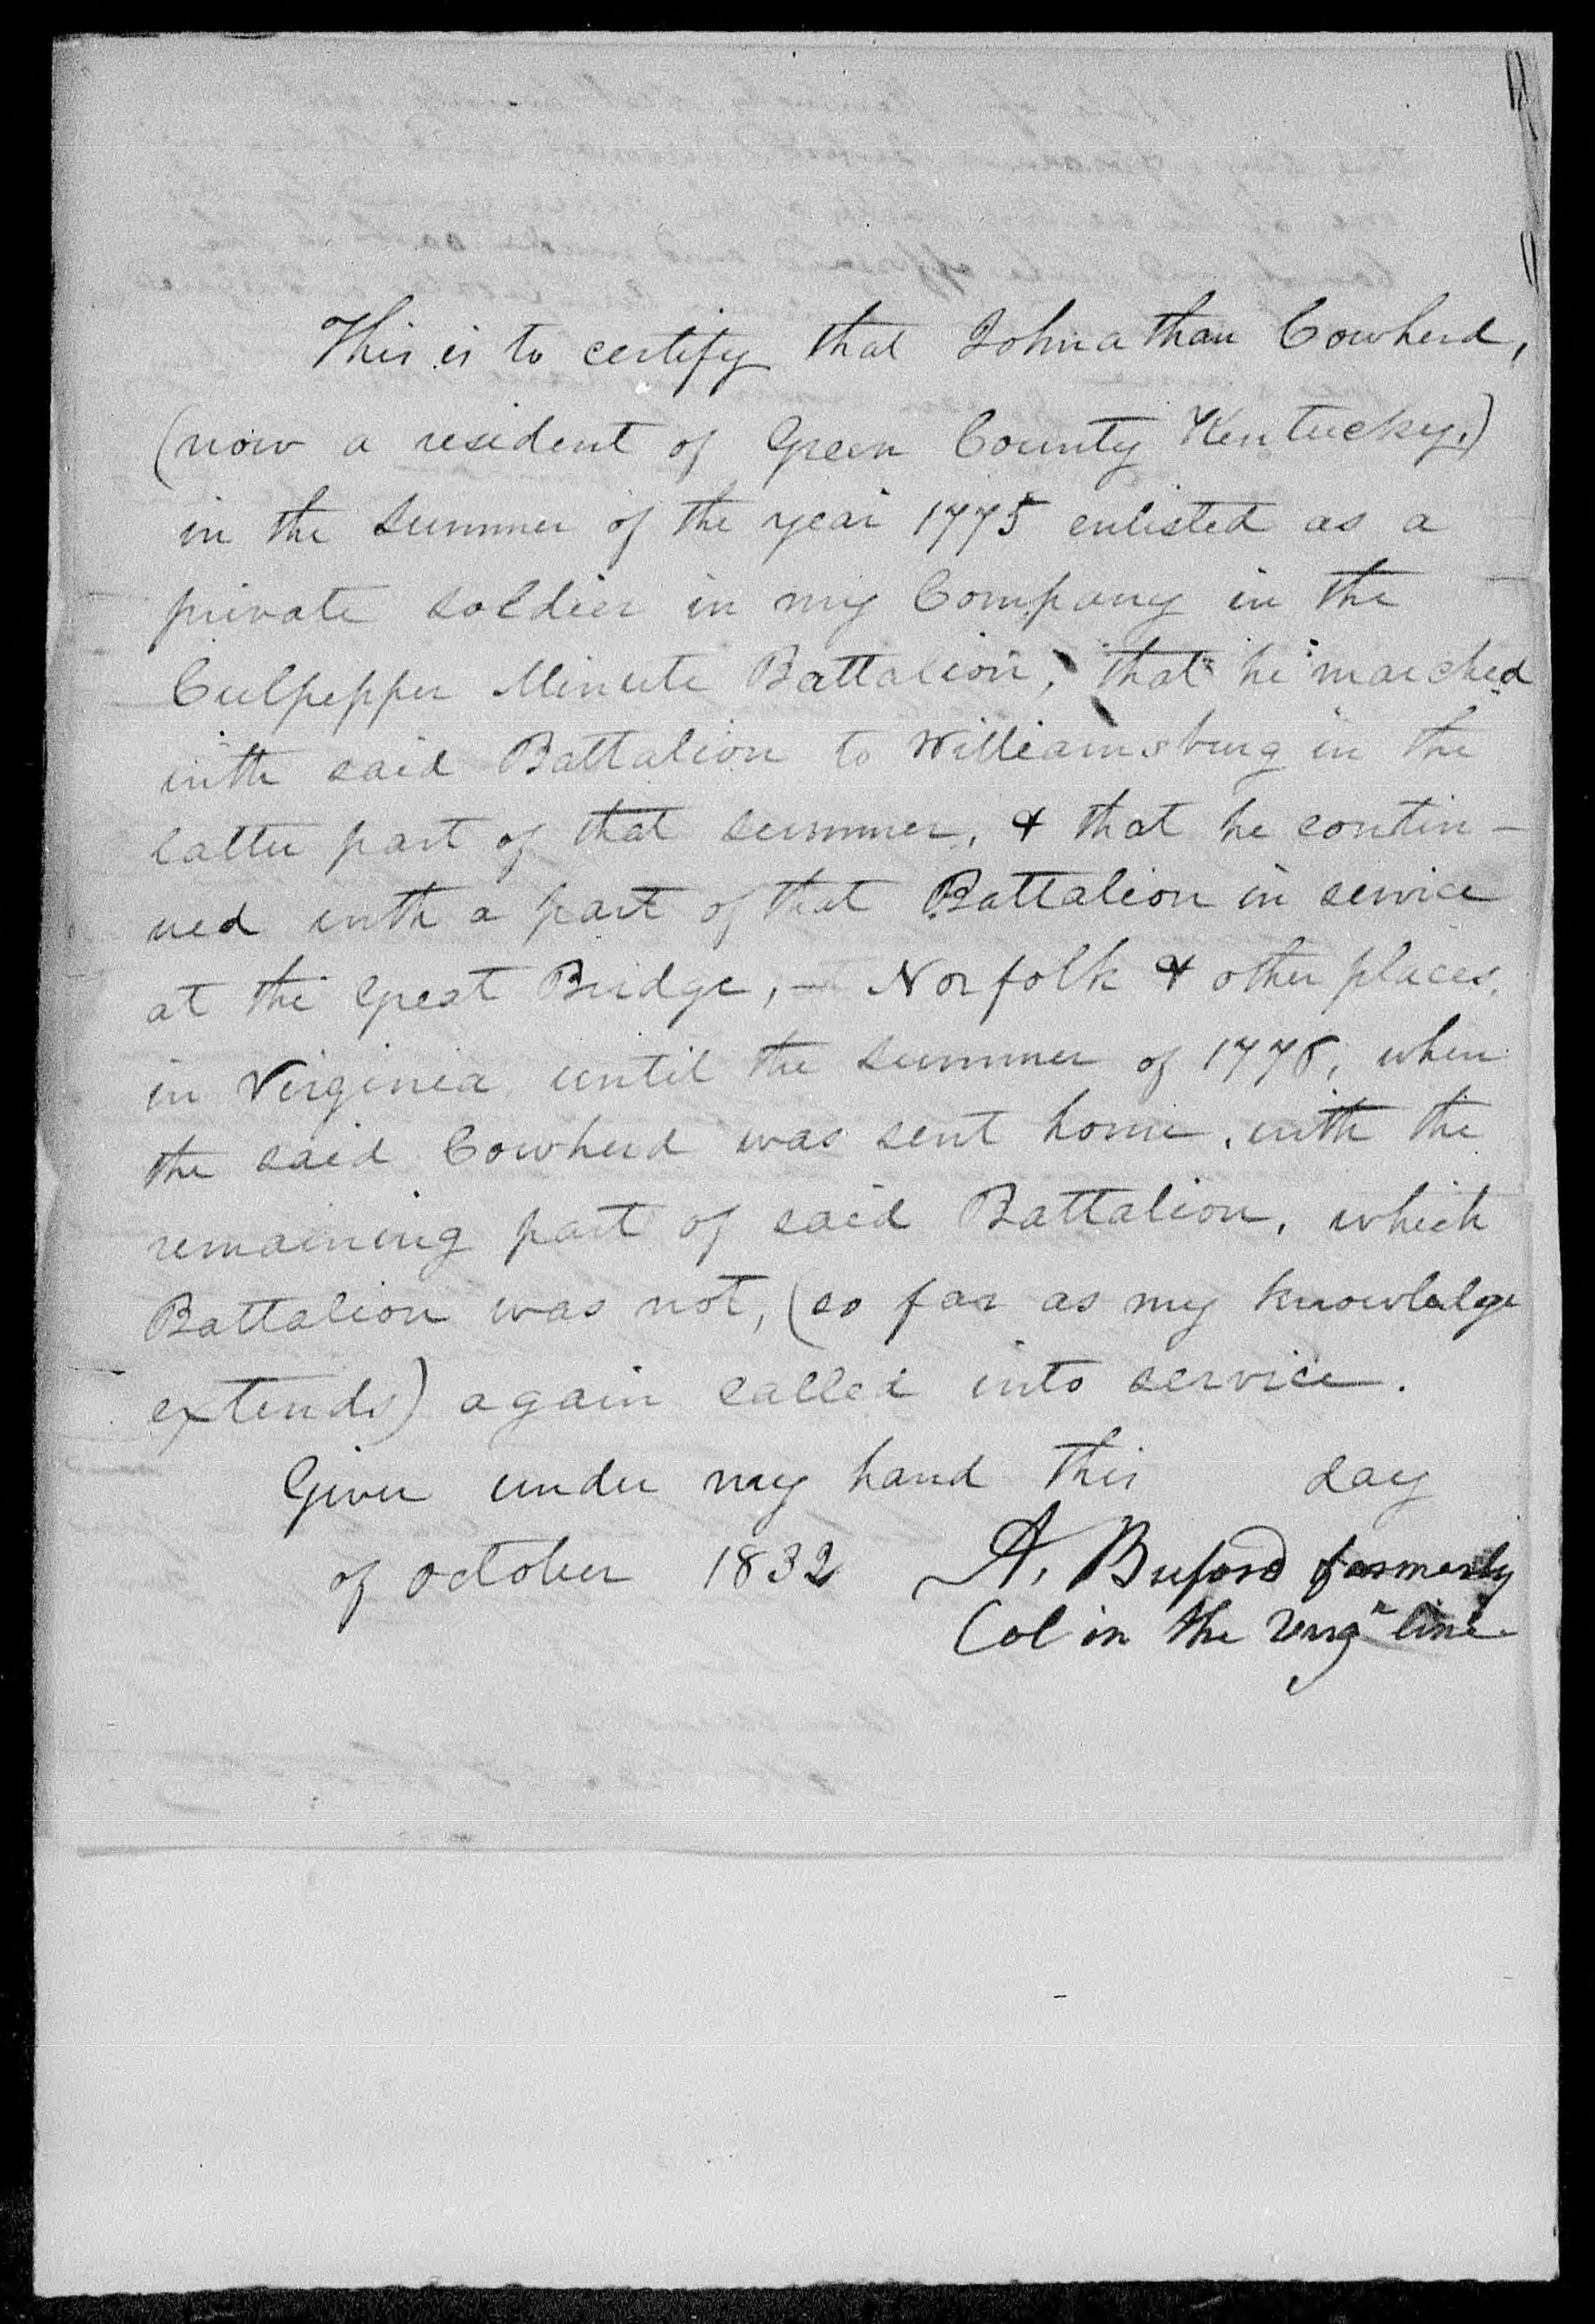This is to certify that Johnathan Cowherd,
(now a resident of Green County Kentucky,)
in the summer of the year 1775 enlisted as a
private soldier in my Company in the
Culpepper Minute Battalion, that he marched
with said Battalion to Williamsburg in the
latter part of that summer, & that he continued with a part of that Battalion in service at the Great Bridge, Norfolk & other places in Virginia until the summer of 1776, when the said Cowherd was sent home with the remaining part of said Battalion, which
Battalion was not, (so far as my knowledge
extends) again called into service.
Given under my hand this [blank] day of October 1832
A. Buford formerly
Col in the Va [Virginia] line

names: A Buford, Johnathan Cowherd, Cowherd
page: 21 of 46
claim: widow's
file: W 8619, Jonathan Cowherd, Va.